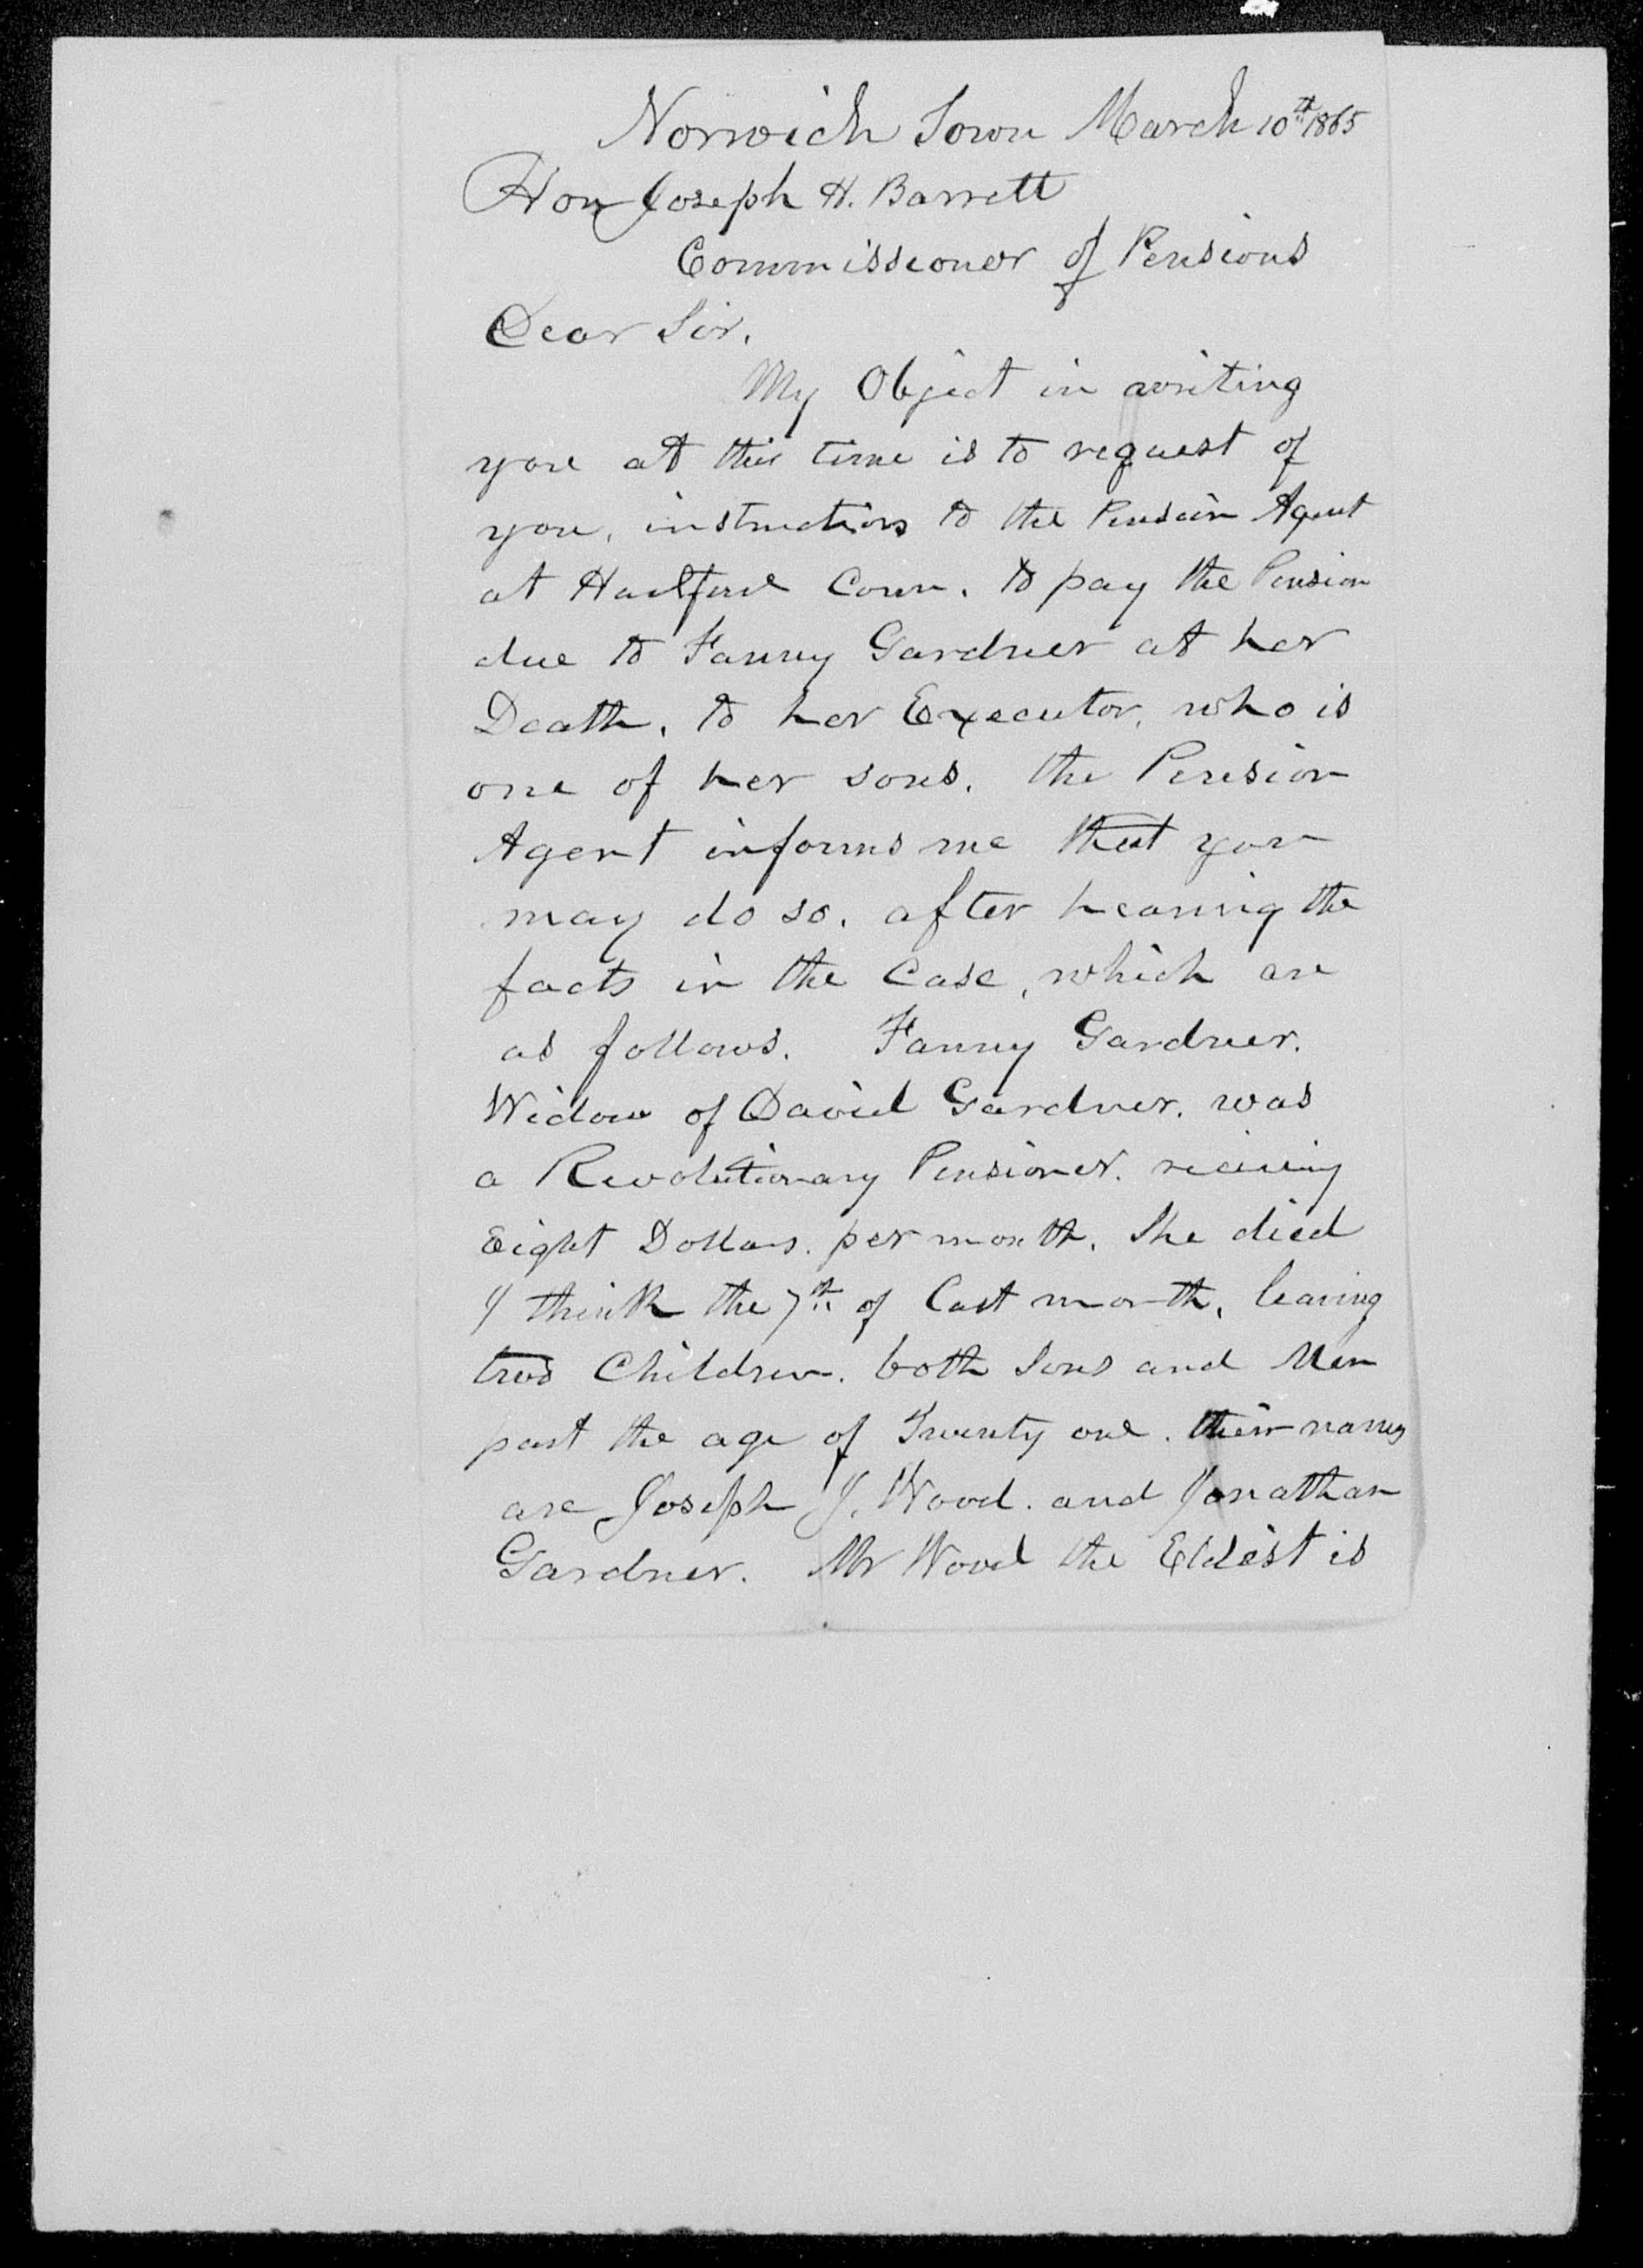Norwich Town March 10th 1885
Hon Joseph H. Barrett
Commissioner of Pensions
Dear Sir,
My object in writing you at this time is to request of you, instructions to the Pension Agent at Hartford Conn. to pay the Pension due to Fanny Gardner at her Death, to her Executor, who is
one of her sons. the Pension Agent informs me that you may do so, after hearing the
facts in the case, which are as follows. Fanny Gardner, Widow of David Gardner, was a
Revolutionary Pensioner, receiving Eight Dollars per month. She died I think the 7th of last month, leaving two children, both sons and men past the age of Twenty one. Their names are Joseph J. Wood and Jonathan Gardner. Mr Wood the Eldest is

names: Wood, David Gardner, Joseph J Wood, Fanny Gardner, Jonathan Gardner, Joseph H Barrett, Fanny Gardner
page: 23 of 66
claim: widow's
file: W 1850, David Gardner, Conn.